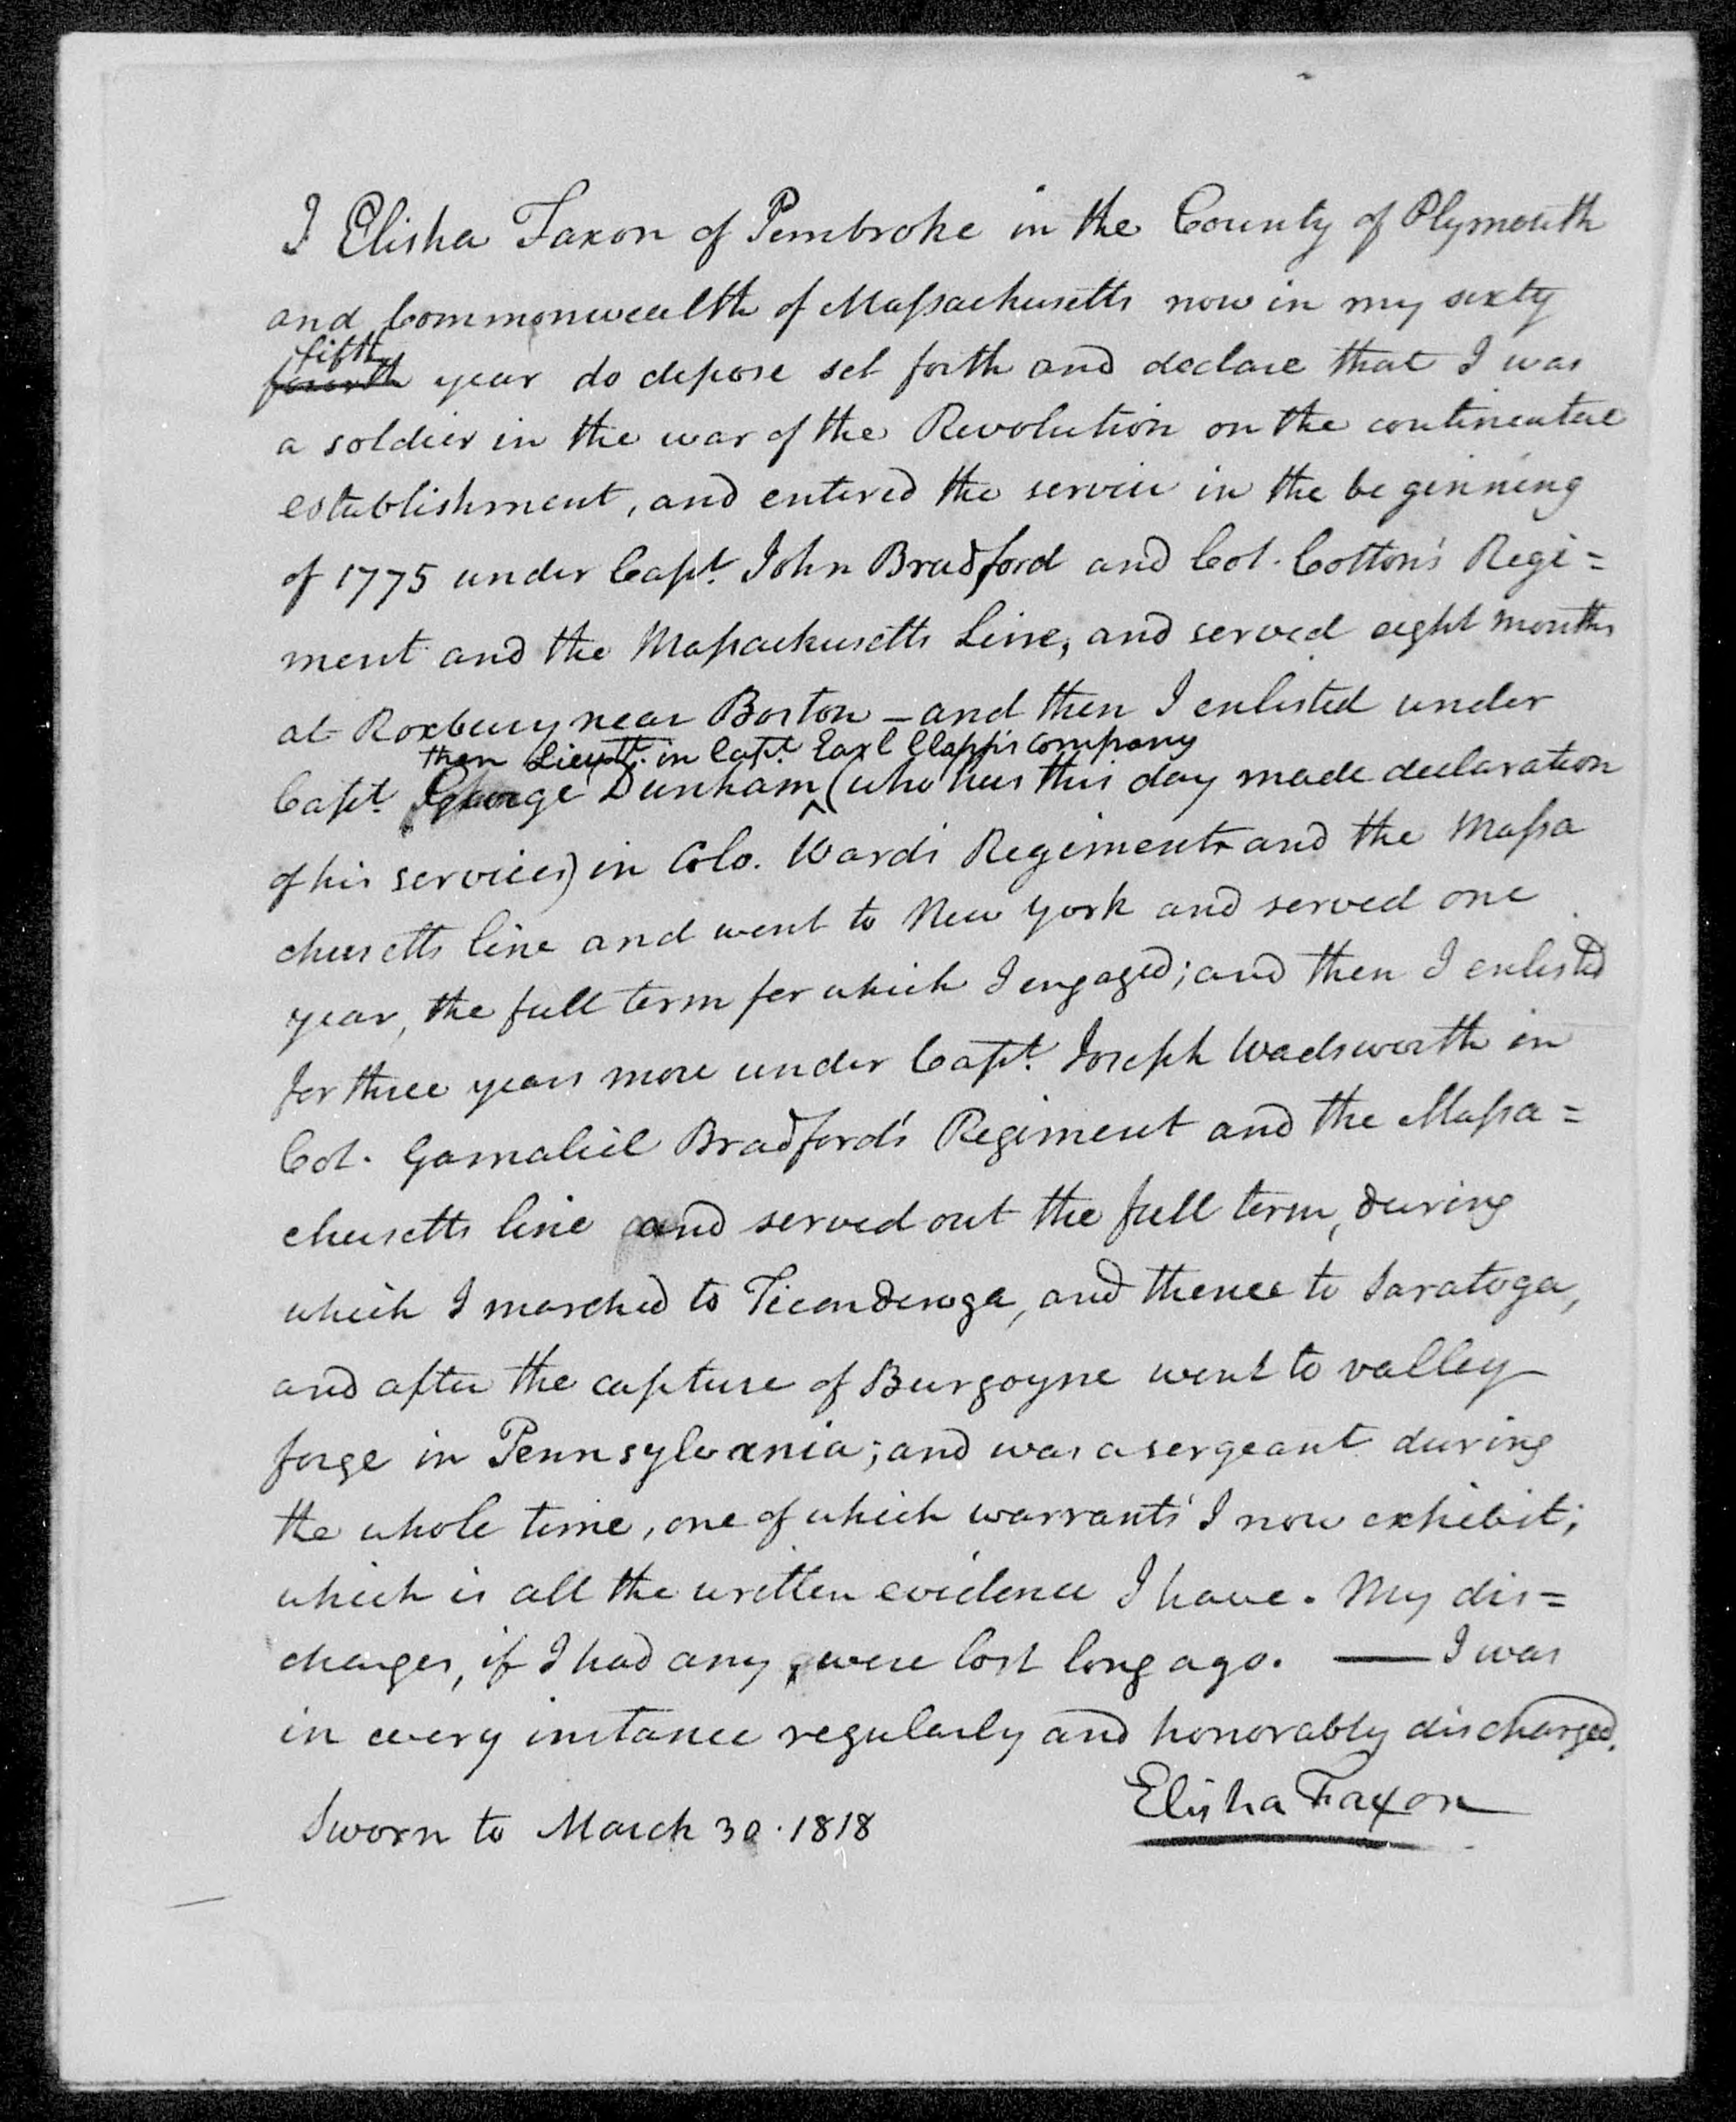I Elisha Faxon of Pembroke in the County of Plymouth and Commonwealth of Massachusetts now in my sixty fifth year do depose set forth and declare that I was a soldier in the war of the Revolution on the continental
establishment, and entered the service in the beginning of 1775 under Capt. John Bradford and Col. Cotton's Regiment and the Massachusetts Line, and served eight months at Roxbury near Boston and then I enlisted under Capt. George Dunham ^ then Lieut. Earl Clapp's company (who has this day made declaration of his service) in Col. Ward's Regiment and the Massachusetts line and went to New York and served one
year, the full term for which I engaged, and then I enlisted
for three years more under Capt. Joseph Wadsworth in Col. Gamaliel Bradford's Regiment and the 
Massachusetts line and served out the full term, during which I marched to Ticonderoga, and thence to Saratoga, and after the capture of Burgoyne went to valley
forge in Pennsylvania, and was a sergeant during the whole time, one of which warrants I now exhibit, which is all the written evidence I have. My discharge, if I had any, were lost long ago. I was in every instance regularly and honorably discharged.
Sworn to March 30, 1818
Elisha Faxon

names: Elisha Faxon, Joseph Wadsworth, Elisha Faxon, John Bradford, George Dunham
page: 4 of 47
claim: widow's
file: W. 14703, Elisha Faxon, Mass